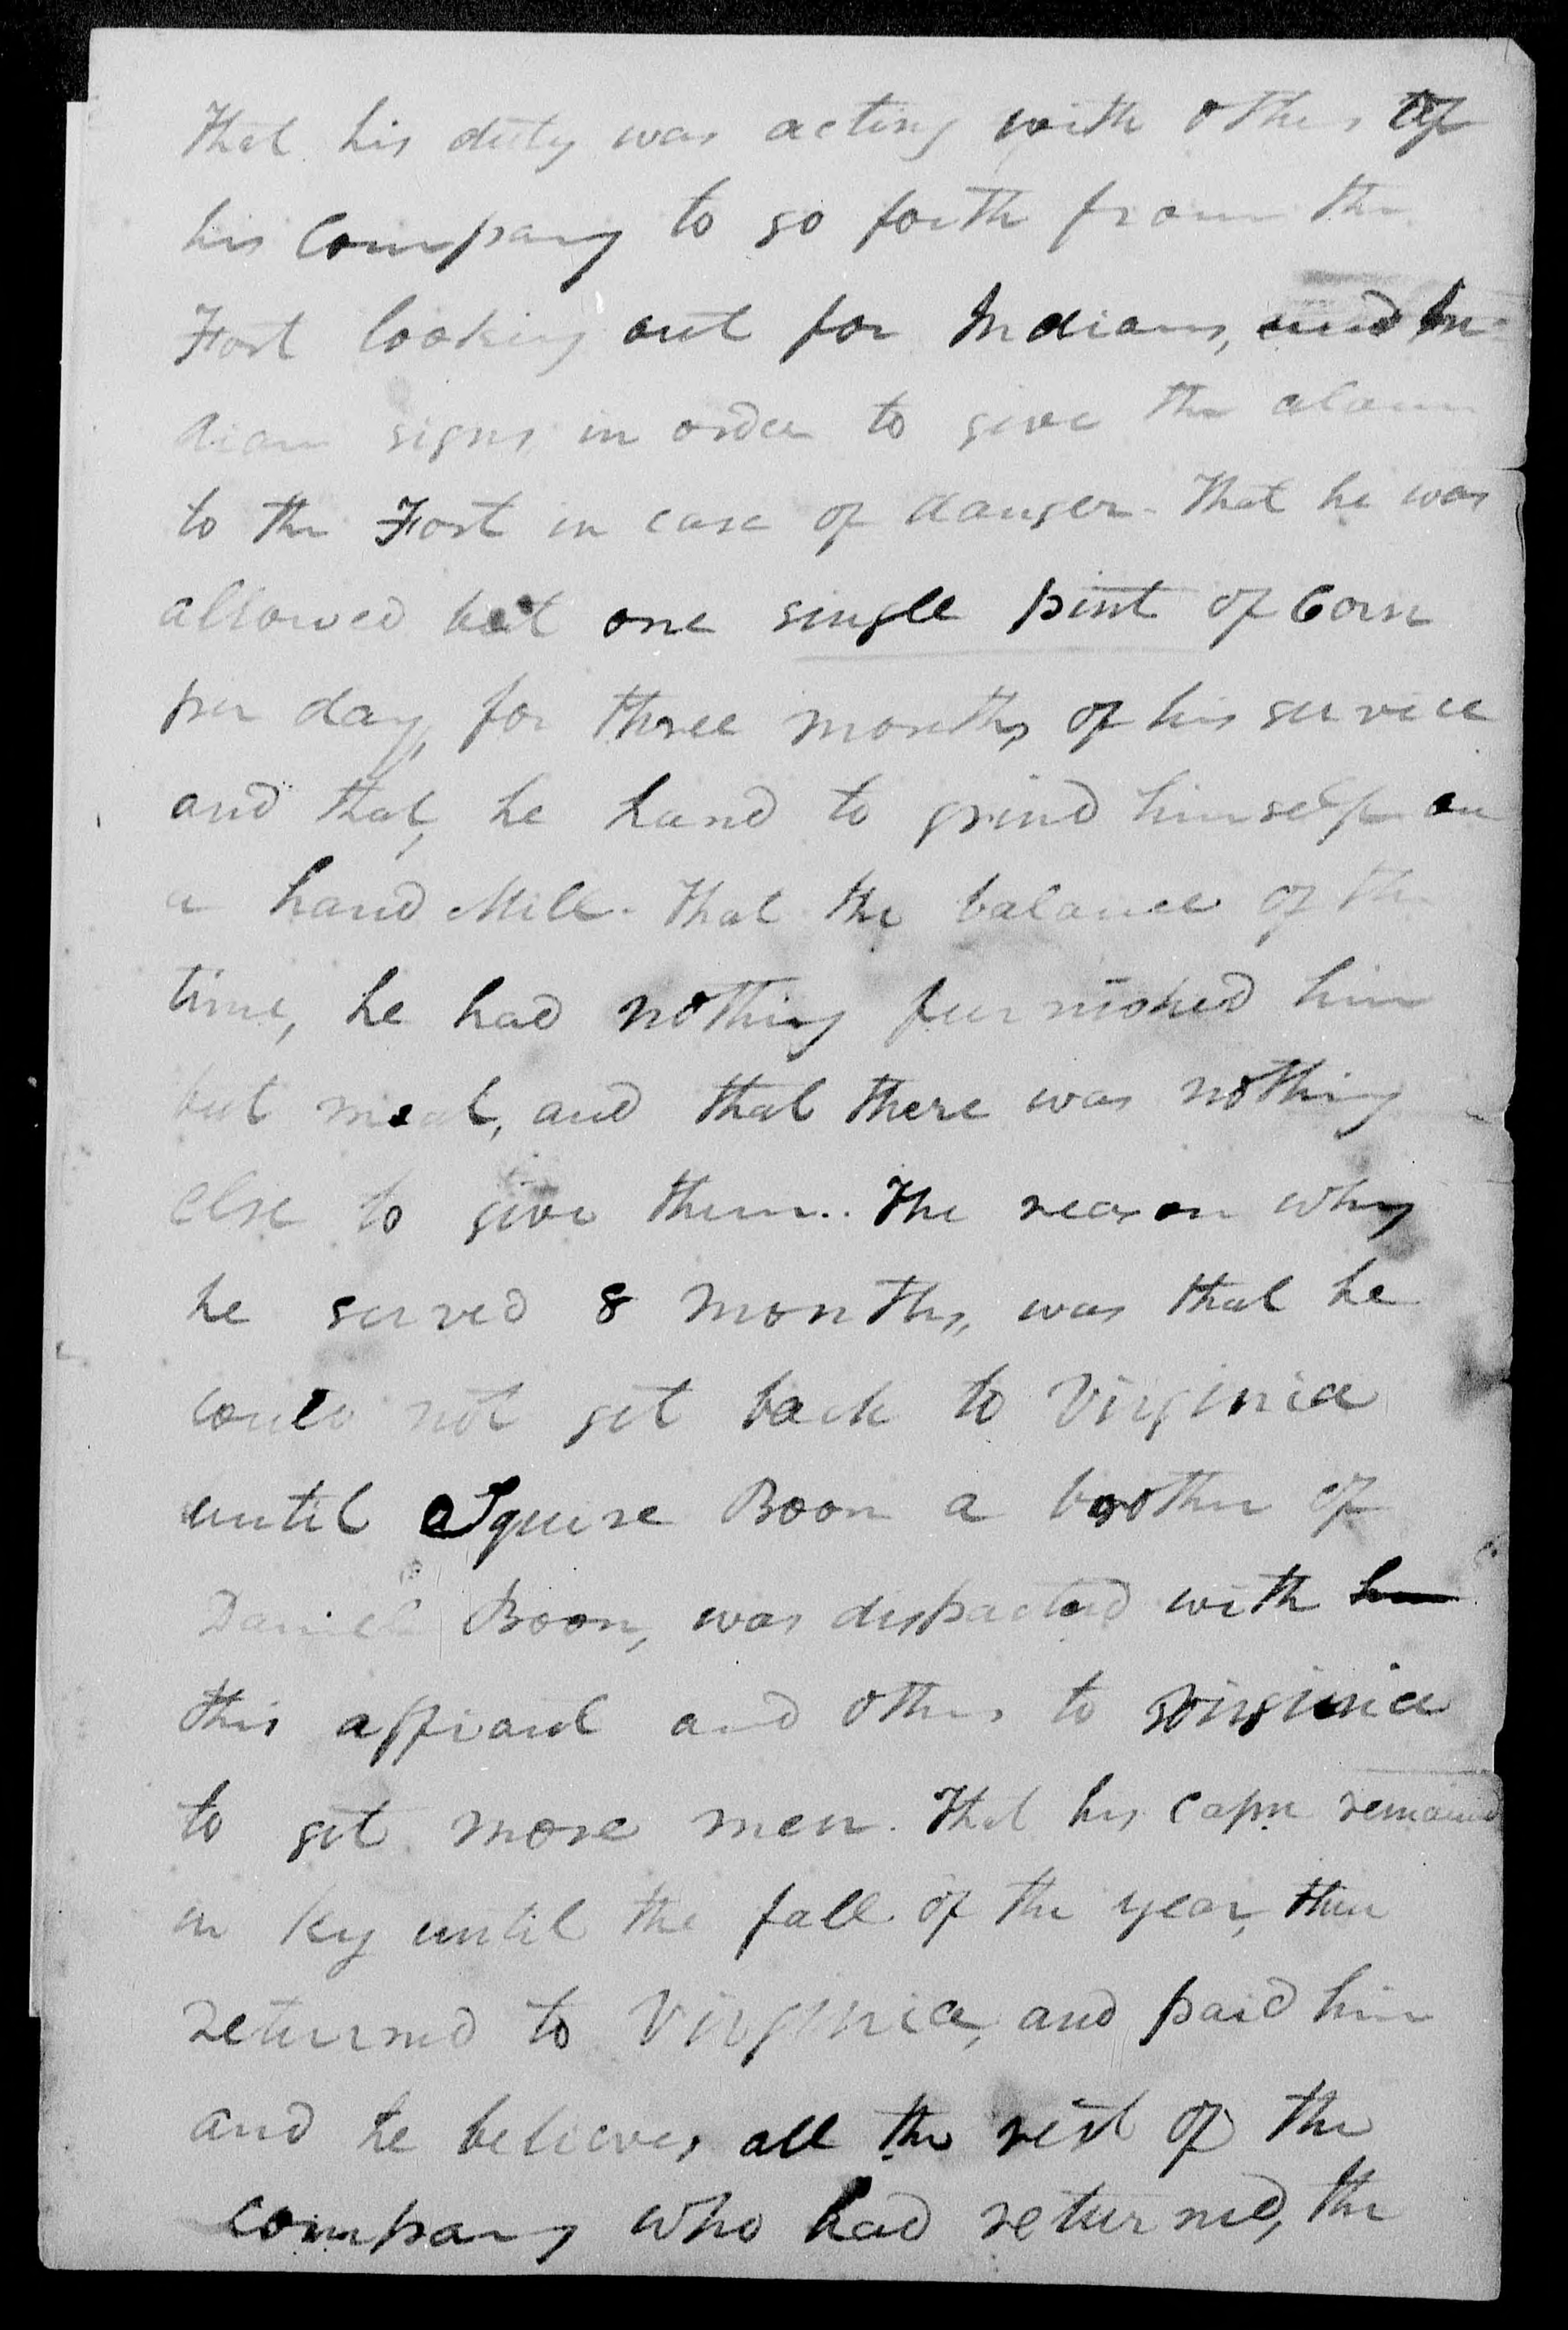that his duty was acting with other of his company to go forth from the Fort looking out for Indians, and Indian signs in order to give the alarm to the Fort in case of danger. That he was allowed but one single pint of corn per day for three months of his service and that he hand to grind himself on a hand mill. That the balance of the time he had nothing furnished him but meal and that there was nothing else to give them.  The reason why he served 8 months was that he could not get back to Virginia until Squire Boone a brother of Daniel Boone was dispatched with his arrival and others to organize to get more men. That his Capn remained in Ky until the fall of the year, their return to Virginia and paid him and he believe all the rest of the company who had returned the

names: Daniel Boon, Squire Boon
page: 8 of 65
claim: widow's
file: W. 8384, Arabia Brown, Va.